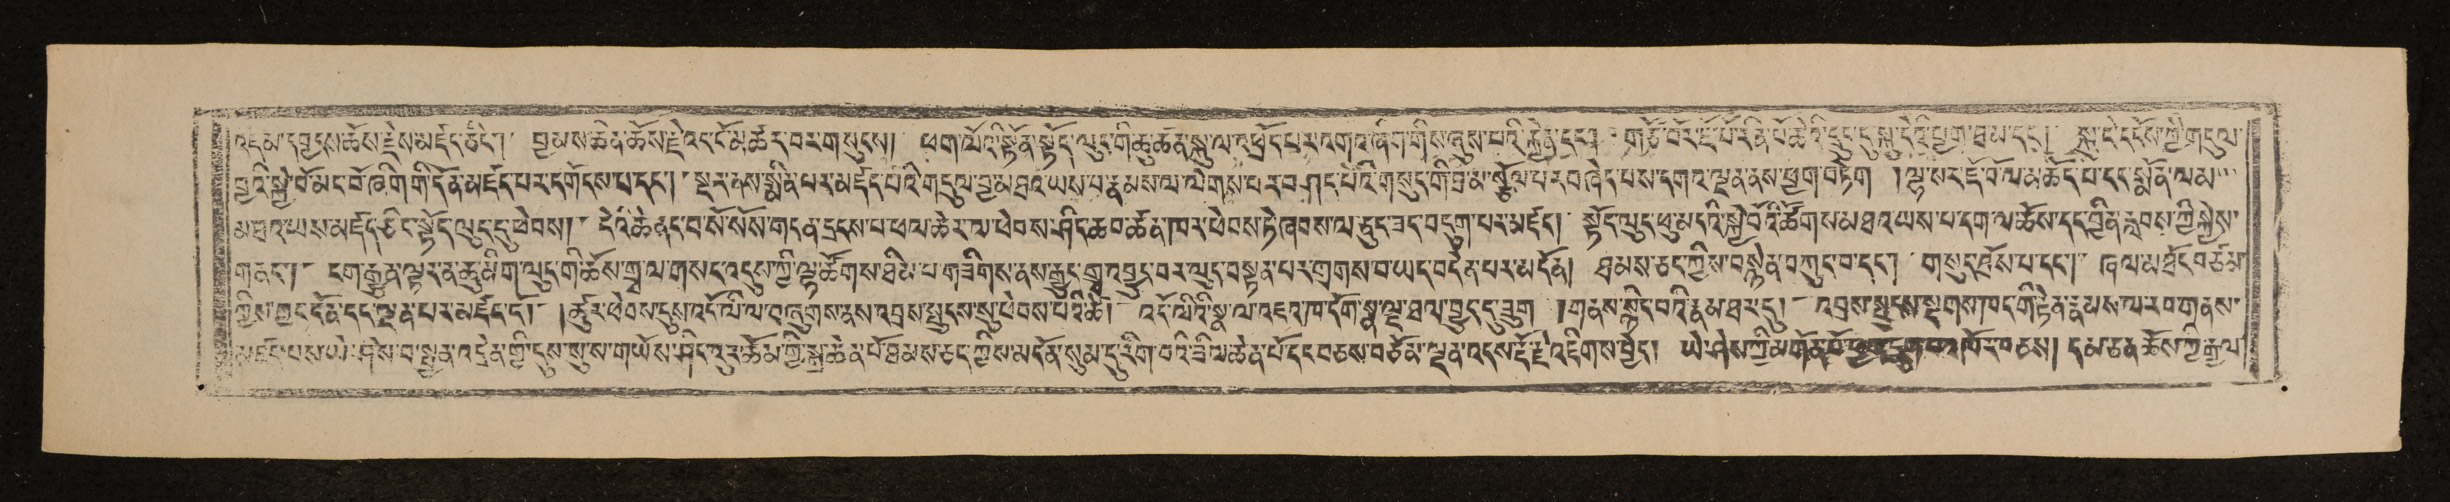འཇམ་དབྱངས་ཆོས་རྗེས་མཛད་ཅིང་། བྱམས་ཆེན་ཆོས་རྗེའང་ངོ་མཚར་བར་གསུངས། ཕག་ལོའི་སྟོན་སྟོད་ལུང་གི་ཆུ་ཚན་སྐུ་ལ་འཕྲོད་བར་འགའ་ཞིག་གིས་ཞུས་པའི་རྐྱེན་དང་། གཙོ་བོར་ཇོ་བོ་རིན་པོ་ཆེའི་དྲུང་དུ་སྐུ་དེའི་ཕྱག་ཐ་མ་དང་། སྐུ་དེ་དངོས་ཀྱི་གདུལ་
བྱའི་སྐྱེ་བོ་མང་པོ་ཞིག་གི་དོན་མཛད་པར་དགོངས་པ་དང་། སྔར་ནས་སྨིན་པར་མཛད་པའི་གདུལ་བྱ་མཐའ་ཡས་པ་རྣམས་ལ་ལེགས་པར་བཤད་པའི་གསུང་གི་ཐ་མ་སྩོལ་བར་བཞེད་པས་དགའ་ལྡན་ནས་ཕྱག་བཏེག །ལྷ་སར་ཇོ་བོ་ལ་མཆོད་པ་དང་སྨོན་ལམ་
མཐའ་ཡས་མཛད་ཅིང་སྟོད་ལུང་དུ་ཕེབས། དེའི་ཚེ་ནང་བ་སོ་སོས་གདན་དྲངས་པ་ཕལ་ཆེར་ལ་ཕེབས་ཤིང་ཆབ་ཚན་ཁར་ཕེབས་ཏེ་ཞབས་ལ་ཅུང་ཟད་བདུག་པར་མཛད། སྟོད་ལུང་ཕུ་མདའི་སྐྱེ་བོའི་ཚོགས་མཐའ་ཡས་པ་དག་ལ་ཆོས་དང་བྱིན་རླབས་ཀྱི་སྐྱེས་
གནང་། ངག་རྒྱུན་ལྟར་ན་ཆུ་མིག་ལུང་གི་ཆོས་གྲྭ་ལ་གསང་འདུས་ཀྱི་ལྷ་ཚོགས་ཐིམ་པ་གཟིགས་ནས་རྒྱུད་གྲྭ་འབྱུང་བར་ལུང་བསྟན་པར་གྲགས་པ་ཡང་བདེན་པར་མངོན། ཐམས་ཅད་ཀྱིས་བསྙེན་བཀུར་བ་དང་། གསུང་ཐོས་པ་དང་། ཞལ་མཐོང་བ་ཙམ་
གྱིས་ཀྱང་དོན་དང་ལྡན་པར་མཛད་དོ། །ཚུར་ཕེབས་དུས་འདོ་ལི་ལ་བཞུགས་ནས་འབྲས་སྤུངས་སུ་ཕེབས་པའི་ཚེ། འདོ་ལིའི་སྣ་ལ་འཇའ་ཁ་དོག་སྣ་ལྔ་ཐལ་བྱུང་དུ་ཟུག །གནས་རྙིང་པའི་རྣམ་ཐར་དུ། འབྲས་སྤུངས་སྔགས་ཁང་གི་རྟེན་རྣམས་ལ་རབ་གནས་
མཛད་པས་ཡེ་ཤེས་པ་སྤྱན་འདྲེན་གྱི་དུས་སུ་ས་གཡོས་ཤིང་འུར་ཆོམ་གྱི་སྒྲ་ཆེན་པོ་ཐམས་ཅད་ཀྱིས་མངོན་སུམ་དུ་རིག་པའི་ཟིལ་ཆེན་པོ་དང་བཅས་བཅོམ་ལྡན་འདས་རྡོ་རྗེ་འཇིགས་བྱེད། ཡེ་ཤེས་ཀྱི་མགོན་པོ་ཕྱག་དྲུག་པ་འཁོར་བཅས། དམ་ཅན་ཆོས་ཀྱི་རྒྱལ་